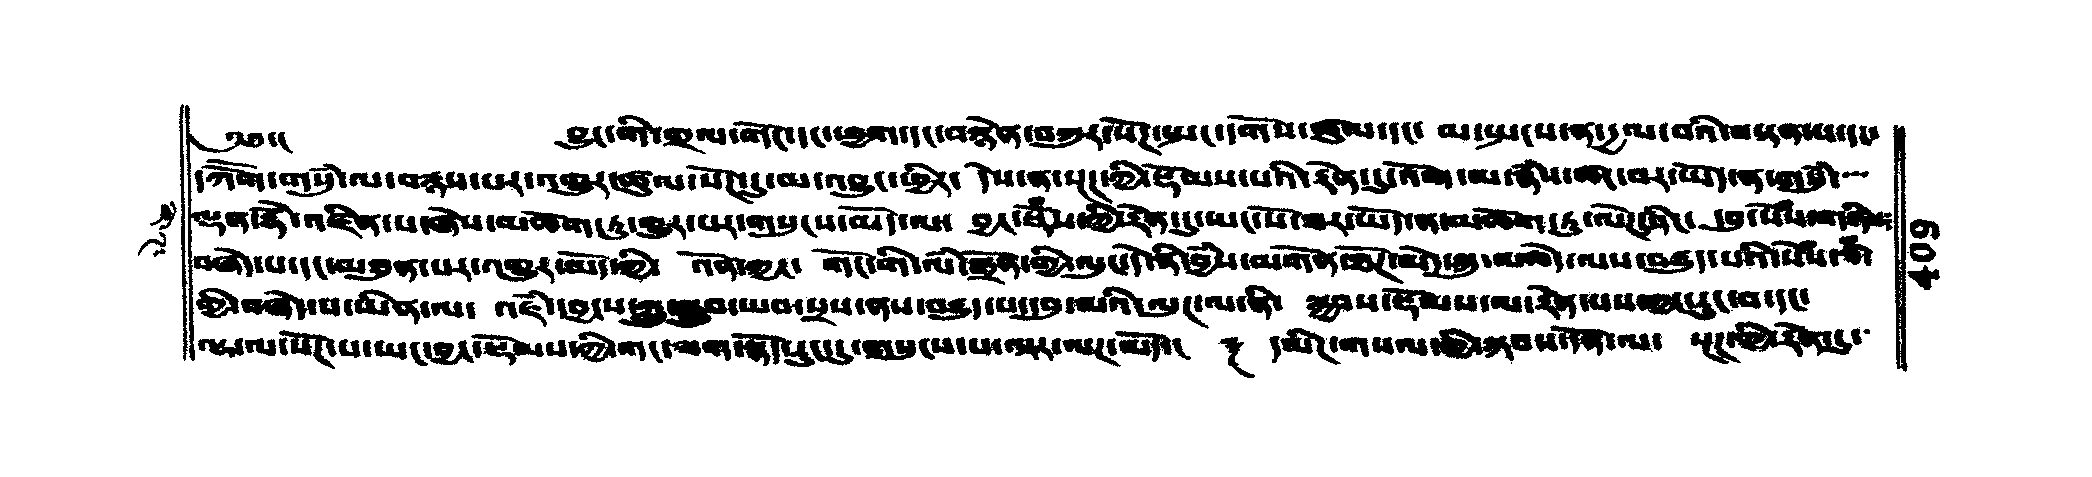བྱུང་གི་གྲལ་གོང་དང་ཕྱག་དང་བསྙེན་བཀུར་སོགས་སྤང་དགོས་ཚུལ་དང་། མ་སྤངས་ན་རྒྱལ་བའི་བསྟན་པ་དང་
དཀོན་མཆོག་གསུམ་ལ་བརྙས་པར་འགྱུར་ཚུལ་སོགས་དུ་མ་འབྱུང་ཕྱིར། དེས་ན་སྔགས་ཀྱི་སྡོམ་པའི་རྟེན་དུ་འོག་མ་རྣམས་ཚང་བར་ཡོད་ན་གསུམ་
ལྡན་རྡོ་རྗེ་འཛིན་པ་ཞེས་མཆོག་ཏུ་གྱུར་པར་གསུངས་མོད་ལ། བྱང་སྡོམ་གྱི་རྟེན་དུ་ཡང་སོ་ཐར་ཡོད་ན་མཆོག་ཏུ་ལེགས་ཤིང་། དབུ་སེམས་གཉིས་ཀྱི་
བཞེད་པ་དང་མཐུན་པར་འགྱུར་མོད་ཀྱི། འོན་ཀྱང་ གོང་གི་ལམ་སྒྲོན་གྱི་ལུང་དེ་ནི་བྱམས་མགོན་ཐོགས་མེད་སྐུ་མཆེད་ལས་བརྒྱུད་པའི་སེམས་ཙམ་
གྱི་བཞེད་པ་ཡིན་ལ། འཇམ་དབྱངས་ཀླུ་སྒྲུབ་ཡབ་སྲས་ནས་བརྒྱུད་པ་དབུ་མའི་ལུགས་ལ་ནི། སྐྱབས་སྡོམ་ལ་རྟེན་པས་ཀྱང་རུང་བ་དང་། 
ལྷ་ལ་སོགས་པ་ཡང་བྱང་སྡོམ་གྱི་གང་ཟག་སྣོད་རུང་དུ་གསུངས་པ་ལྟར་ལགས་མོད། དམིགས་བསལ་གྱི་སྐབས་དོན་ལ། སྔགས་ཀྱི་རྟེན་དུ་